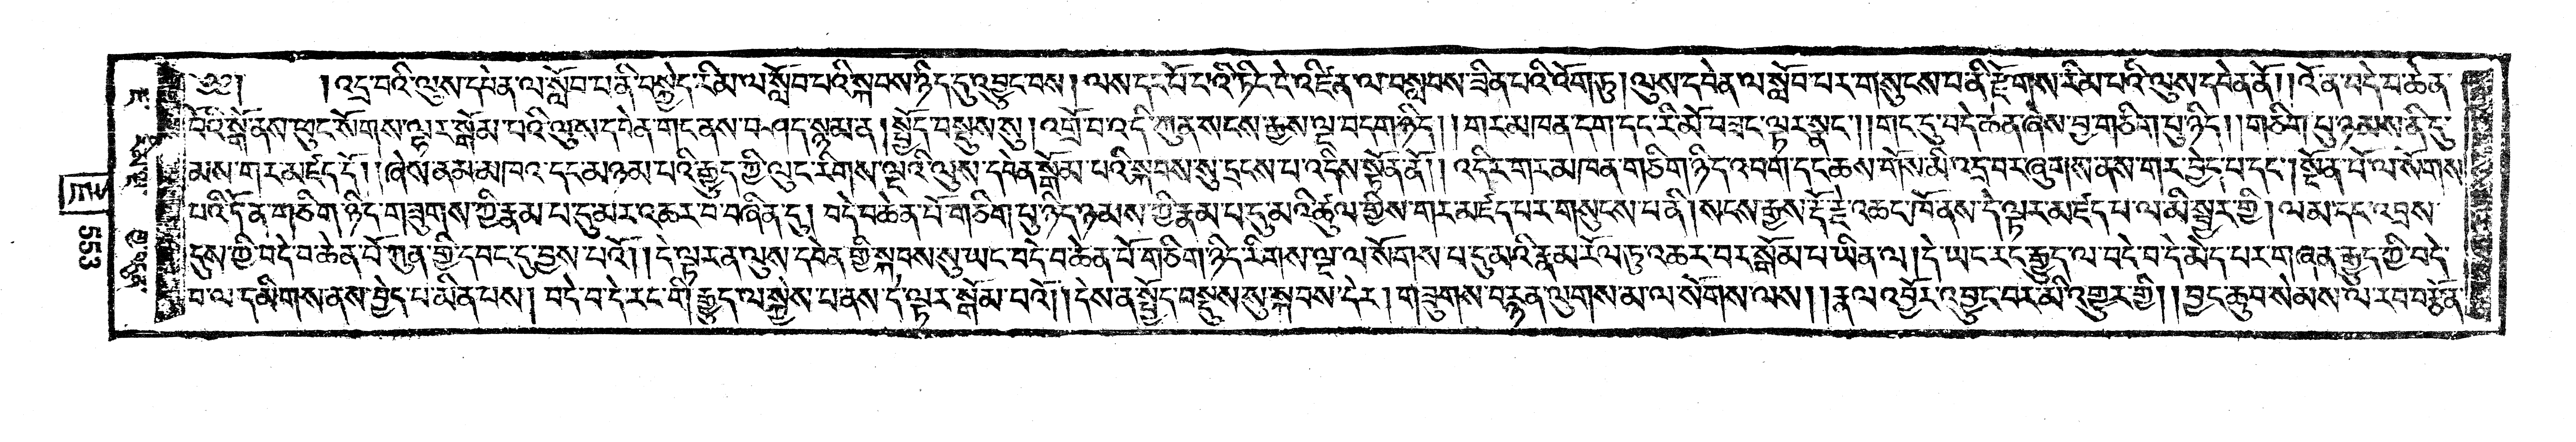༄༅། །འདྲ་བའི་ལུས་དབེན་ལ་སློབ་པ་ནི་བསྐྱེད་རིམ་ལ་སློབ་པའི་སྐབས་ཉིད་དུ་འབྱུང་བས། ལས་དང་པེ་པའི་ཏིང་ངེ་འཛིན་ལ་བསླབས་ཟིན་པའི་འོག་ཏུ། ལུས་དབེན་ལ་སློབ་པར་གསུངས་པ་ནི་རྫོགས་རིམ་པའི་ལུས་དབེན་ནེ། །འོ་ན་བདེ་བ་ཆེན་
པོའི་སྒོ་ནས་ཕུང་སོགས་ལྷར་སྒོམ་པའི་ལུས་དབེན་གང་ནས་བཤད་སྙམ་ན། སྤྱོད་བསྡུས་སུ། འགྲོ་བ་འདི་ཀུན་སངས་རྒྱས་ལྔ་བདག་ཉིད། །གར་མཁན་དག་དང་རི་མོ་བཟང་ལྟར་སྣང་། །གང་དུ་བདེ་ཆེན་ཞེས་བྱ་གཅིག་པུ་ཉིད། །གཅིག་པུ་ཉམས་ནི་དུ་
མས་གར་མཛད་དོ། །ཞེས་ནམ་མཁའ་དང་མཉམ་པའི་རྒྱུད་ཀྱི་ལུང་རིགས་ལྔའི་ལུས་དབེན་སྒོམ་པའི་སྐབས་སུ་དྲངས་པ་འདིས་སྟོན་ནོ། །འདིར་གར་མཁན་གཅིག་ཉིད་འབག་དང་ཆས་གོས་མི་འདྲ་བར་ཞུགས་ནས་གར་བྱེད་པ་དང་། སྔོན་པོ་ལ་སོགས་
པའི་ཚོན་གཅིག་ཉིད་གཟུགས་ཀྱི་རྣམ་པ་དུ་མར་འཆར་བ་བཞིན་དུ། བདེ་བ་ཆེན་པོ་གཅིག་པུ་ཉིད་ཉམས་ཀྱི་རྣམ་པ་དུ་མའི་ཚུལ་གྱིས་གར་མཛད་པར་གསུངས་པ་ནི། སངས་རྒྱས་རྡོ་རྗེ་འཆང་ཁོ་ནས་དེ་ལྟར་མཛད་པ་ལ་མི་སྦྱར་གྱི། ལམ་དང་འབྲ་
དུས་ཀྱི་བདེ་བ་ཆེན་པོ་ཀུན་གྱི་དབང་དུ་བྱས་པའོ། །དེ་ལྟར་ན་ལུས་དབེན་གྱི་སྐབས་སུ་ཡང་བདེ་བ་ཆེན་པོ་གཅིག་ཉིད་རིགས་ལྔ་ལ་སོགས་པ་དུ་མའི་རྣམ་རོལ་ཏུ་འཆར་བར་སྒོམ་པ་ཡིན་ལ། དེ་ཡང་རང་རྒྱུད་ལ་བདེ་བ་དེ་མེད་པར་གཞན་རྒྱུད་ཀྱི་བདེ་
བ་ལ་དམིགས་ནས་བྱེད་པ་མིན་པས། བདེ་བ་དེ་རང་གི་རྒྱུད་ལ་སྐྱེས་པ་ནས་དེ་ལྟར་སྒོམ་པའོ། །དེས་ན་སྤྱོད་བསྡུས་སུ་སྐབས་དེར། གཟུགས་བརྙན་ལུགས་མ་ལ་སོགས་ལས། །རྣལ་འབྱོར་འབྱུང་བར་མི་འགྱུར་གྱི། །བྱང་ཆུབ་སེམས་ལ་རབ་བརྩོན་